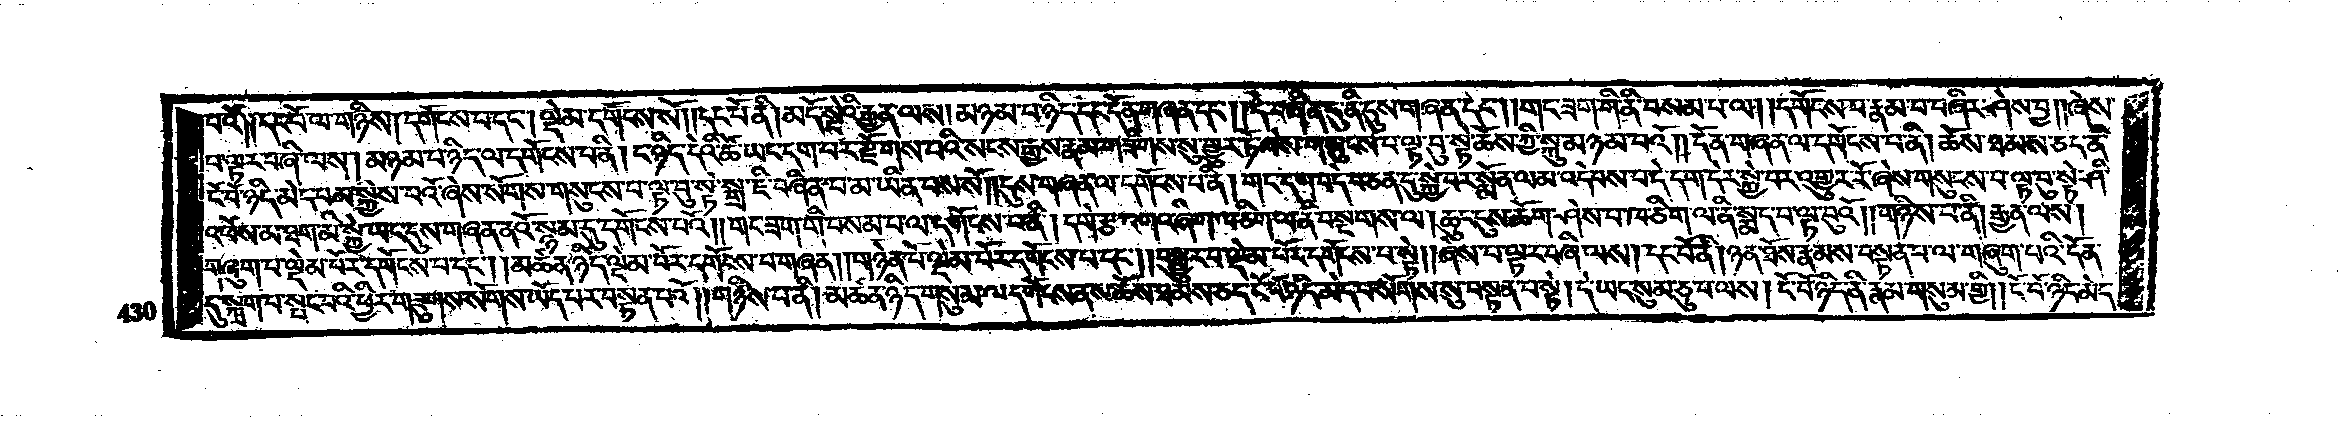པའོ། །དང་པོ་ལ་གཉིས། དགོངས་པ་དང་། ལྡེམ་དགོངས་སོ། །དང་པོ་ནི། མདོ་སྡེའི་རྒྱན་ལས། མཉམ་པ་ཉིད་དང་དོན་གཞན་དང་། །དེ་བཞིན་དུ་ནི་དུས་གཞན་དང་། །གང་ཟག་གི་ནི་བསམ་པ་ལ། །དགོངས་པ་རྣམ་པ་བཞིར་ཤེས་བྱ། །ཞེས་
པ་ལྟར་བཞི་ལས། མཉམ་པ་ཉིད་ལ་དགོངས་པ་ནི། ང་ཉིད་དེའི་ཚེ་ཡང་དག་པར་རྫོགས་པའི་སངས་རྒྱས་རྣམ་གཟིགས་སུ་གྱུར་ཏོ་ཞེས་གསུངས་པ་ལྟ་བུ་སྟེ་ཆོས་ཀྱི་སྐུ་མཉམ་པའོ། །དོན་གཞན་ལ་དགོངས་པ་ནི། ཆོས་ཐམས་ཅད་ནི་
ངོ་བོ་ཉིད་མེད་པ་མ་སྐྱེས་པའོ་ཞེས་སོགས་གསུངས་པ་ལྟ་བུ་སྟེ་སྒྲ་ཇི་བཞིན་པ་མ་ཡིན་པས་སོ། །དུས་གཞན་ལ་དགོངས་པ་ནི། གང་དག་བདེ་བ་ཅན་དུ་སྐྱེ་བར་སྨོན་ལམ་འདེབས་པ་དེ་དག་དེར་སྐྱེ་བར་འགྱུར་རོ་ཞེས་གསུངས་པ་ལྟ་བུ་སྟེ་ཤི་
འཕོས་མ་ཐག་མི་སྐྱེ་ཡང་དུས་གཞན་ནའོ་སྙམ་དུ་དགོངས་པའོ། །གང་ཟག་གི་བསམ་པ་ལ་དགོངས་པ་ནི། དགེ་རྩ་འགའ་ཞིག་ཁ་ཅིག་ལ་ནི་བསྔགས་ལ། ཆུང་ངུས་ཆོག་ཤེས་པ་ཁ་ཅིག་ལ་ནི་སྨད་པ་ལྟ་བུའོ། །གཉིས་པ་ནི། རྒྱན་ལས།
གཞུག་པ་ལྡེམ་པོར་དགོངས་པ་དང་། །མཚན་ཉིད་ལྡེམ་པོར་དགོངས་པ་གཞན། །གཉེན་པོ་ལྡེམ་པོར་དགོངས་པ་དང་། །བསྒྱུར་བ་ལྡེམ་པོར་དགོངས་པ་སྟེ། །ཞེས་པ་ལྟར་བཞི་ལས། དང་པོ་ནི། ཉན་ཐོས་རྣམས་བསྟན་པ་ལ་གཞུག་པའི་དོན་
དུ་སྐྲག་པ་སྤང་བའི་ཕྱིར་གཟུགས་སོགས་ཡོད་པར་བསྟན་པའོ། །གཉིས་པ་ནི། མཚན་ཉིད་གསུམ་ལ་དགོངས་ནས་ཆོས་ཐམས་ཅད་ངོ་བོ་ཉིད་མེད་པ་སོགས་སུ་བསྟན་པ་སྟེ། དེ་ཡང་སུམ་ཅུ་པ་ལས། ངོ་བོ་ཉིད་ནི་རྣམ་གསུམ་གྱི། །ངོ་བོ་ཉིད་མེད་